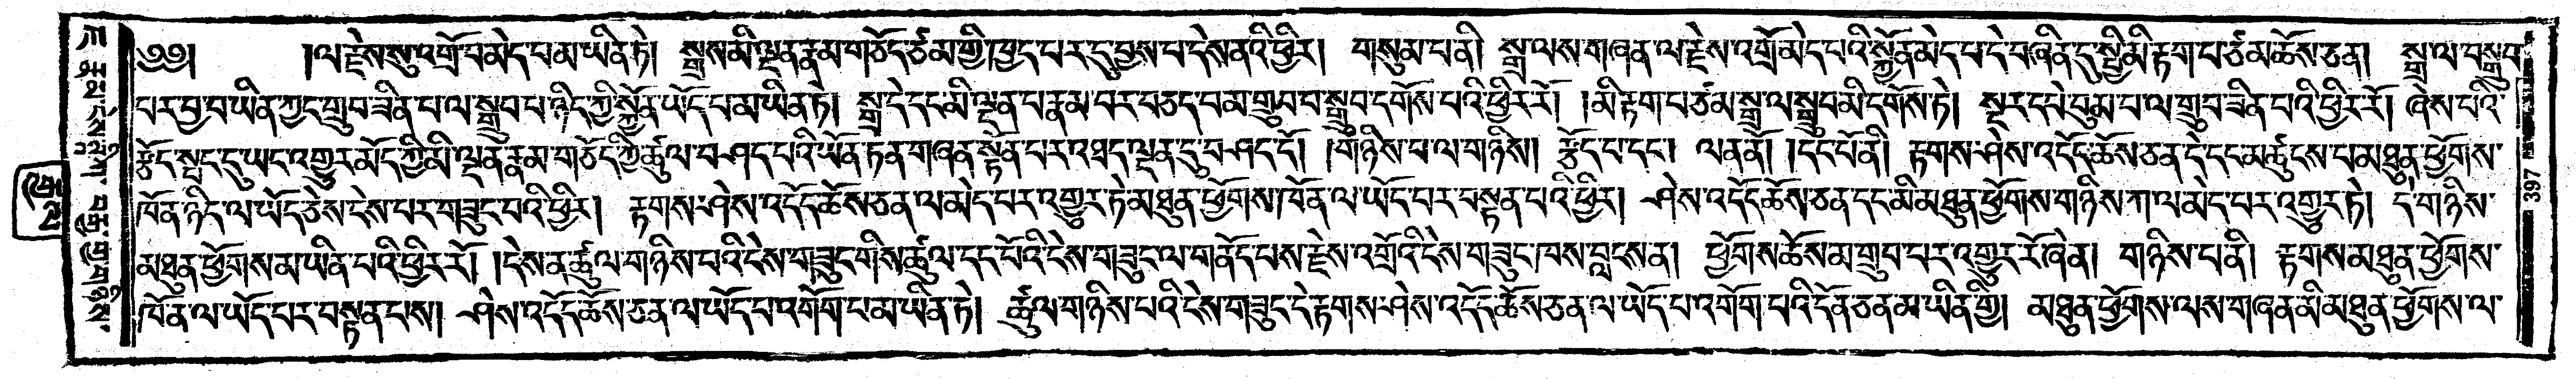༄༅། །ལ་རྗེས་སུ་འགྲོ་བ་མེད་པ་མ་ཡིན་ཏེ། སྒྲས་མི་ལྡན་རྣམ་གཅོད་ཙམ་གྱི་ཁྱད་པར་དུ་བྱས་པ་དེས་ནའི་ཕྱིར། གསུམ་པ་ནི། སྒྲ་ལས་གཞན་ལ་རྗེས་འགྲོ་མེད་པའི་སྐྱོན་མེད་པ་དེ་བཞིན་དུ་སྤྱི་མི་རྟག་པ་ཙམ་ཆོས་ཅན། སྒྲ་ལ་བསྒྲུབ་
པར་བྱ་བ་ཡིན་ཀྱང་གྲུབ་ཟིན་པ་ལ་སྒྲུབ་པ་ཉིད་ཀྱི་སྐྱོན་ཡོད་པ་མ་ཡིན་ཏེ། སྒྲ་དེ་དང་མི་ལྡན་པ་རྣམ་པར་བཅད་པ་མ་གྲུབ་པ་སྒྲུབ་དགོས་པའི་ཕྱིར་རོ། །མི་རྟག་པ་ཙམ་སྒྲ་ལ་སྒྲུབ་མི་དགོས་ཏེ། སྔར་དཔེ་བུམ་པ་ལ་གྲུབ་ཟིན་པའི་ཕྱིར་རོ། ཞེས་པའི་
རྩོད་སྤང་དུ་ཡང་འགྱུར་མོད་ཀྱི་མི་ལྡན་རྣམ་གཅོད་ཀྱི་ཚུལ་བཤད་པའི་ཡོན་ཏན་གཞན་སྟོན་པར་འཐད་ལྡན་དུ་བཤད་དོ། །གཉིས་པ་ལ་གཉིས། རྩོད་པ་དང་། ལན་ནོ། །དང་པོ་ནི། རྟགས་ཤེས་འདོད་ཆོས་ཅན་དེ་དང་མཚུངས་པ་མཐུན་ཕྱོགས་
ཁོ་ན་ཉིད་ལ་ཡོད་ཅེས་ངེས་པར་གཟུང་བའི་ཕྱིར། རྟགས་ཤེས་འདོད་ཆོས་ཅན་ལ་མེད་པར་འགྱུར་ཏེ་མཐུན་ཕྱོགས་ཁོ་ན་ལ་ཡོད་པར་བསྟན་པའི་ཕྱིར། ཤེས་འདོད་ཆོས་ཅན་དང་མི་མཐུན་ཕྱོགས་གཉིས་ཀ་ལ་མེད་པར་འགྱུར་ཏེ། དེ་གཉིས་
མཐུན་ཕྱོགས་མ་ཡིན་པའི་ཕྱིར་རོ། །དེས་ན་ཚུལ་གཉིས་པའི་ངེས་གཟུང་གིས་ཚུལ་དང་པོའི་ངེས་གཟུང་ལ་གནོད་པས་རྗེས་འགྲོའི་ངེས་གཟུང་ཁས་བླངས་ནས། ཕྱོགས་ཆོས་མ་གྲུབ་པར་འགྱུར་རོ་ཞེ་ན། གཉིས་པ་ནི། རྟགས་མཐུན་ཕྱོགས་
ཁོ་ན་ལ་ཡོད་པར་བསྟན་པས། ཤེས་འདོད་ཆོས་ཅན་ལ་ཡོད་པ་འགོག་པ་མ་ཡིན་ཏེ། ཚུལ་གཉིས་པའི་ངེས་གཟུང་དེ་རྟགས་ཤེས་འདོད་ཆོས་ཅན་ལ་ཡོད་པ་འགོག་པའི་དོན་ཅན་མ་ཡིན་གྱི། མཐུན་ཕྱོགས་ལས་གཞན་མི་མཐུན་ཕྱོགས་ལ་